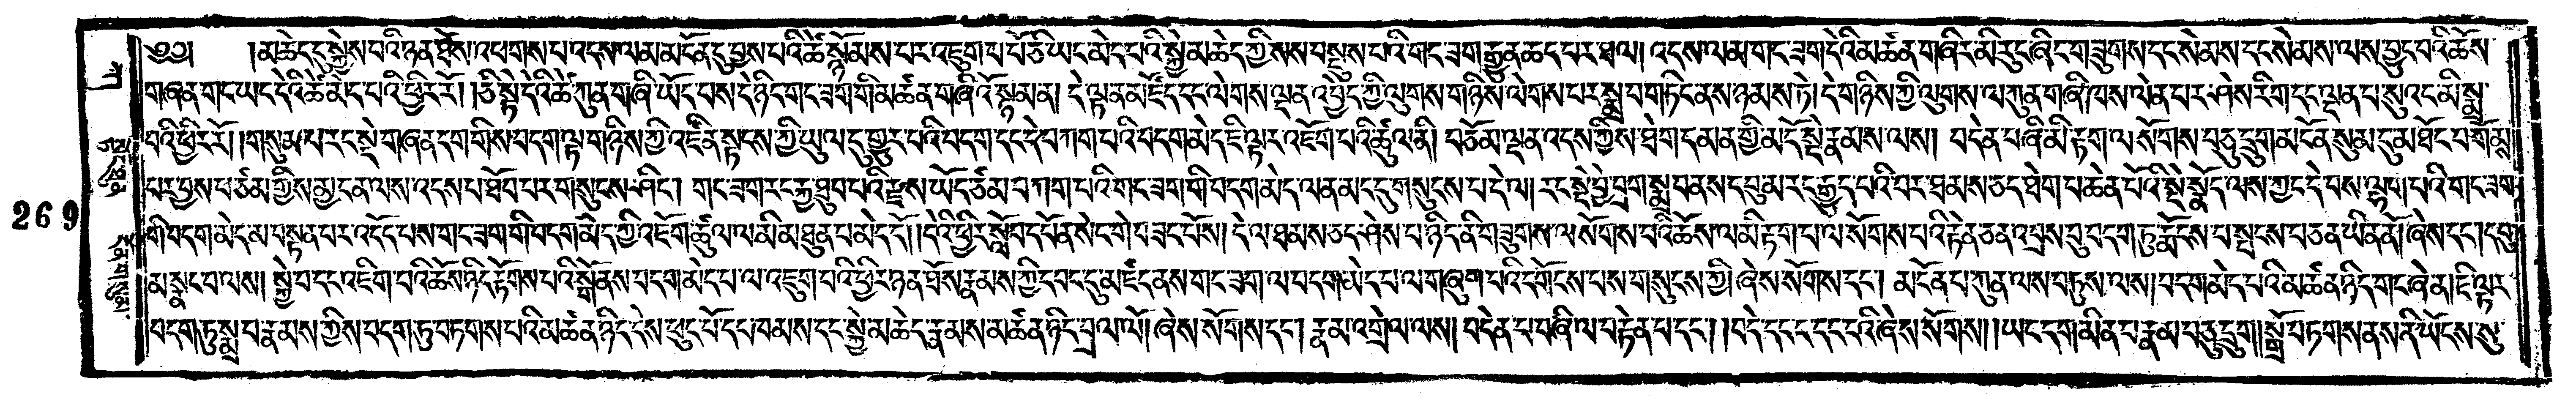༄༅། །མཆེད་དུ་སྐྱེས་བའི་ཉན་ཐོས་འཕགས་པ་འདས་ལམ་མངོན་དུ་བྱས་པའི་ཚེ་སྙོམས་པར་འཇུག་པ་པོ་ཅི་ཡང་མེད་པའི་སྐྱེ་མཆེད་ཀྱི་སས་བསྡུས་པའི་གང་ཟག་རྒྱུན་ཆད་པར་ཐལ། འདས་ལན་གང་ཟག་དེའི་མཚན་གཞིར་མི་རུང་ཞིང་གཟུགས་དང་སེམས་དང་སེམས་ལས་བྱུང་བའི་ཆོས་
གཞན་གང་ཡང་དེའི་ཚེ་མེད་པའི་ཕྱིར་རོ། །ཅི་སྟེ་དེའི་ཚེ་ཀུན་གཞི་ཡོད་པས་དེ་ཉིད་གང་ཟག་གི་མཚན་གཞིའོ་སྙམ་ན། དེ་ལྟ་ན་མཛོད་དང་ལེགས་ལྡན་འབྱེད་ཀྱི་ལུགས་གཉིས་ལེགས་པར་སྨྲ་བ་གཏིང་ནས་ཉམས་ཏེ། དེ་གཉིས་ཀྱི་ལུགས་ལ་ཀུན་གཞི་ཁས་ལེན་པར་ཤེས་རིག་དང་ལྡན་པ་སུའང་མི་སྨྲ་
པའི་ཕྱིར་རོ། །གསུམ་པ་རང་སྡེ་གཞན་དག་གིས་བདག་ལྟ་གཉིས་ཀྱི་འཛིན་སྟངས་ཀྱི་ཡུལ་དུ་གྱུར་པའི་བདག་དང་དེ་བཀག་པའི་བདག་མེད་ཇི་ལྟར་འཇོག་པའི་ཚུལ་ནི། བཅོམ་ལྡན་འདས་ཀྱིས་ཐེག་དམན་གྱི་མདོ་སྡེ་རྣམས་ལས། བདེན་བཞི་མི་རྟག་ལ་སོགས་བཅུ་དྲུག་མངོན་སུམ་དུ་མཐོང་བ་གོམས་
པར་བྱས་པ་ཙམ་གྱིས་མྱ་ངན་ལས་འདས་པ་ཐོབ་པར་གསུངས་ཤིང་། གང་ཟག་རང་རྒྱུ་ཐུབ་པའི་རྫས་ཡོད་ཙམ་བཀག་པའི་གང་ཟག་གི་བདག་མེད་ལན་མང་དུ་གསུངས་པ་དེ་ལ། རང་སྡེ་བྱེ་བྲག་སྨྲ་བ་ནས་དབུ་མ་རང་རྒྱུད་པའི་བར་ཐམས་ཅད་ཐེག་པ་ཆེན་པོའི་སྡེ་སྣོད་ལས་ཀྱང་དེ་བས་ལྷག་པའི་གང་ཟག་
གི་བདག་མེད་མ་བསྟན་པར་འདོད་པས་གང་ཟག་གི་བདག་མེད་ཀྱི་འཇོག་ཚུལ་ལ་མི་མཐུན་བ་མེད་དོ། །དེའི་ཕྱིར་སློབ་དཔོན་སེང་གེ་བཟང་པོས། དེ་ལ་ཐམས་ཅད་ཤེས་པ་ཉིད་ནི་གཟུགས་ལ་སོགས་པའི་ཆོས་ལ་མི་རྟག་པ་ལ་སོགས་པའི་རྟེན་ཅན་འབྲས་བུ་བདག་ཏུ་རྨོངས་པ་སྤངས་པ་ཅན་ཡིན་ནོ། ཞེས་དང་། དབུ་
མ་སྣང་བ་ལས། སྐྱེ་བ་དང་འཇིག་པའི་ཆོས་ཉིད་རྟོགས་པའི་སྒོ་ནས་བདག་མེད་པ་ལ་འཇུག་པའི་ཕྱིར་ཉན་ཐོས་རྣམས་ཀྱི་དབང་དུ་མཛད་ནས་གང་ཟག་ལ་བདག་མེད་པ་ལ་གཞུག་པའི་དགོངས་པས་གསུངས་ཀྱི། ཞེས་སོགས་དང་། མངོན་པ་ཀུན་ལས་བཏུས་ལས། བདག་མེད་པའི་མཚན་ཉིད་གང་ཞེན། ཇི་ལྟར་
བདག་ཏུ་སྨྲ་བ་རྣམས་ཀྱིས་བདག་ཏུ་བཏགས་པའི་མཚན་ཉིད་དེས་ཕུང་པོ་དང་ཁམས་དང་སྐྱེ་མཆེད་རྣམས་མཚན་ཉིད་བྲལ་ལོ། ཞེས་སོགས་དང་། རྣམ་འགྲེལ་ལས། བདེན་པ་བཞི་ལ་བརྟེན་པ་དང་། །བདེ་དང་ང་དང་ངའི་ཞེས་སོགས། །ཡང་དག་མིན་པ་རྣམ་བཅུ་དྲུག། སྒྲོ་བཏགས་ནས་ནི་ཡོངས་སུ་